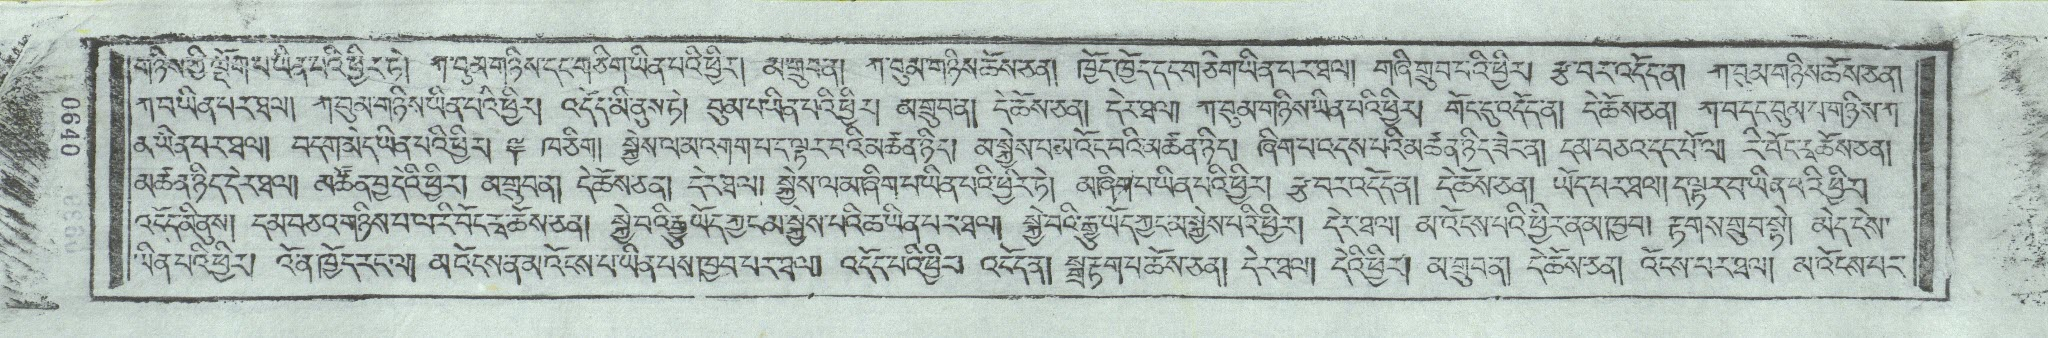གཉིས་ཀྱི་ལྡོག་པ་ཡིན་པའི་ཕྱིར་ཏེ། ཀ་བུམ་གཉིས་དང་གཅིག་ཡིན་པའི་ཕྱིར། མ་གྲུབ་ན། ཀ་བུམ་གཉིས་ཆོས་ཅན། ཁྱོད་ཁྱོད་དང་གཅིག་ཡིན་པར་ཐལ། གཞི་གྲུབ་པའི་ཕྱིར། རྩ་བར་འདོད་ན། ཀ་བུམ་གཉིས་ཆོས་ཅན།
ཀ་བ་ཡིན་པར་ཐལ། ཀ་བུམ་གཉིས་ཡིན་པའི་ཕྱིར། འདོད་མི་ནུས་ཏེ། བུམ་པ་ཡིན་པའི་ཕྱིར། མ་གྲུབ་ན། དེ་ཆོས་ཅན། དེར་ཐལ། ཀ་བུམ་གཉིས་ཡིན་པའི་ཕྱིར། གོང་དུ་འདོད་ན། དེ་ཆོས་ཅན། ཀ་བ་དང་བུམ་པ་གཉིས་ཀ་
མ་ཡིན་པར་ཐལ། བདག་མེད་ཡིན་པའི་ཕྱིར། ༈ ཁ་ཅིག། སྐྱེས་ལ་མ་འགག་པ་ད་ལྟར་བའི་མཚན་ཉིད། མ་སྐྱེས་པ་མ་འོང་བའི་མཚན་ཉིད། ཞིག་པ་འདས་པའི་མཚན་ཉིད་ཟེར་ན། དམ་བཅའ་དང་པོ་ལ། རི་བོང་རྭ་ཆོས་ཅན།
མཚན་ཉིད་དེར་ཐལ། མཚོན་བྱ་དེའི་ཕྱིར། མ་གྲུབ་ན། དེ་ཆོས་ཅན། དེར་ཐལ། སྐྱེས་ལ་མ་ཞིག་པ་ཡིན་པའི་ཕྱིར་ཏེ། མ་ཞིག་པ་ཡིན་པའི་ཕྱིར། རྩ་བར་འདོད་ན། དེ་ཆོས་ཅན། ཡོད་པར་ཐལ། ད་ལྟར་བ་ཡིན་པའི་ཕྱིར།
འདོད་མི་ནུས། དམ་བཅའ་གཉིས་པ་ལ་རི་བོང་རྭ་ཆོས་ཅན། སྐྱེ་བའི་རྒྱུ་ཡོད་ཀྱང་མ་སྐྱེས་པའི་ཆ་ཡིན་པར་ཐལ། སྐྱེ་བའི་རྒྱུ་ཡོད་ཀྱང་མ་སྐྱེས་པའི་ཕྱིར། དེར་ཐལ། མ་འོངས་པའི་ཕྱིར་ནམ་ཁྱབ། རྟགས་གྲུབ་སྟེ། མེད་ངེས་
ཡིན་པའི་ཕྱིར། འོ་ན་ཁྱོད་རང་ལ། མ་འོངས་ན་མ་འོངས་པ་ཡིན་པས་ཁྱབ་པར་ཐལ། འདོད་པའི་ཕྱིར། འདོད་ན། སྒྲ་རྟག་པ་ཆོས་ཅན། དེར་ཐལ། དེའི་ཕྱིར། མ་གྲུབ་ན། དེ་ཆོས་ཅན། འོངས་པར་ཐལ། མ་འོངས་པར་